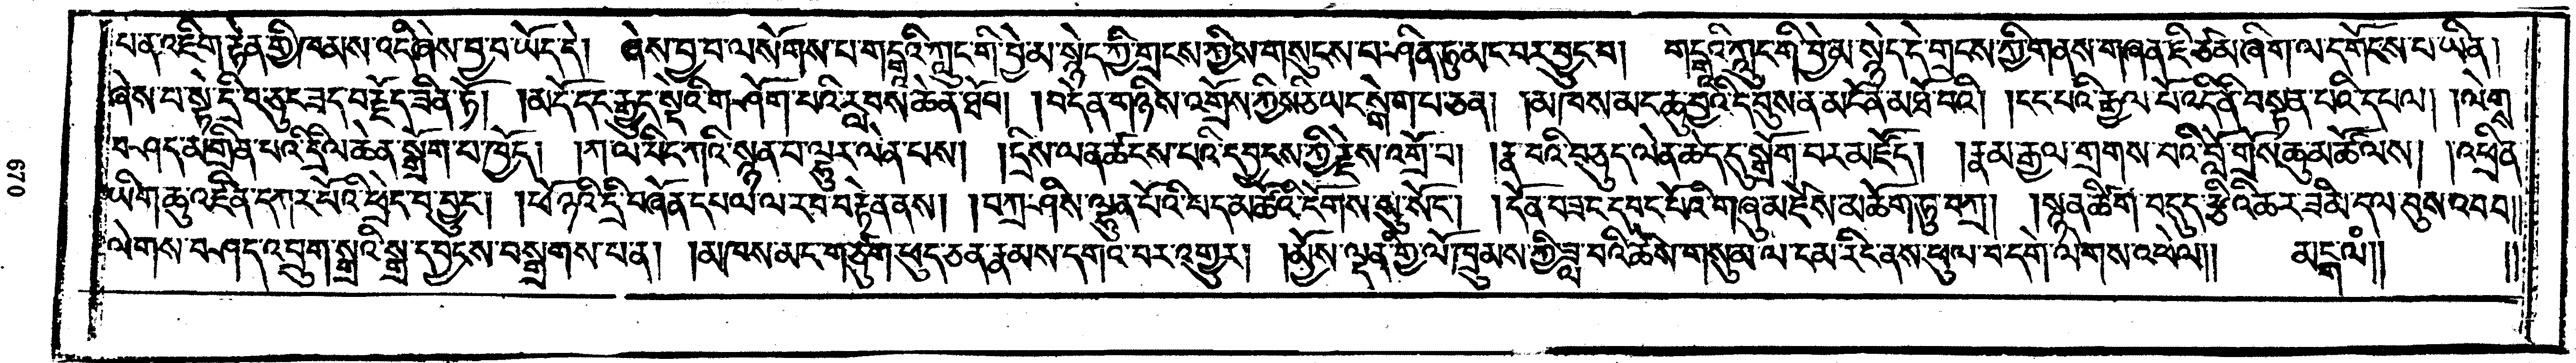པ་ན་འཇིག་རྟེན་གྱི་ཁམས་འདི་ཞེས་བྱ་བ་ཡོད་དེ། ཞེས་བྱ་བ་ལ་སོགས་པ་གངྒཱའི་ཀླུང་གི་བྱེ་མ་སྙེད་ཀྱི་གྲངས་ཀྱིས་གསུངས་པ་ཤིན་ཏུ་མང་བར་བྱུང་བ། གངྒཱའི་ཀླུང་གི་བྱེ་མ་སྙེད་དེ་གྲངས་ཀྱི་གནས་གཞན་ཇི་ཙམ་ཞིག་ལ་དགོངས་པ་ཡིན།
ཞེས་པ་སྟེ་དྲི་བ་ཅུང་ཟད་བརྗོད་ཟིན་ཏོ། །མདོ་དང་རྒྱུད་སྡེའི་གཤོག་པའི་རླབས་ཆེན་ཐོབ། །བདེན་གཉིས་འགྲོས་ཀྱིས་ཅི་ཡང་སྒེག་པ་ཅན། །མཁས་མང་ཆུ་བྱའི་དབུས་ན་མངོན་མཐོ་བའི། །ངང་པའི་རྒྱལ་པོ་འདི་ནི་བསྟན་པའི་དཔལ། །ལེགས་
བཤད་མགྲིན་པའི་དྲིལ་ཆེན་སྒྲོག་པ་ཁྱོད། །ཀ་ལ་པིང་ཀའི་སྙན་པ་ལྷུར་ལེན་པས། །དྲིས་ལན་ཚངས་པའི་དབྱངས་ཀྱི་རྗེས་འགྲོ་བ། །རྣ་བའི་བཅུད་ལེན་ཆེད་དུ་སྒྲོག་པར་མཛོད། །རྣམ་རྒྱལ་གྲགས་པའི་བློ་གྲོས་ཆུ་མཚོ་ལས། །འཕྲིན་
ཡིག་ཆུ་འཛིན་དཀར་པོའི་ཕྲེང་བ་བྱུང་། །ཕོ་ཉའི་དྲི་བཞོན་དཔལ་ལ་རབ་བརྟེན་ནས། །བཀྲ་ཤིས་ལྷུན་པོའི་པད་མཚོའི་ངོགས་སུ་སོང་། །དོན་བཟང་དབང་པོའི་གཞུ་མཛེས་མཆོག་ཏུ་བཀྲ། །སྙན་ཚིག་བདུད་རྩིའི་ཆར་ཟིམ་དལ་བུས་འབབ།།
ལེགས་བཤད་འབྲུག་སྒྲའི་སྒྲ་དབྱངས་བསྒྲགས་པ་ན། །མཁས་མང་གཙུག་ཕུད་ཅན་རྣམས་དགའ་བར་འགྱུར། །མྱོས་ལྡན་གྱི་ལོ་ཁྲུམས་ཀྱི་ཟླ་བའི་ཚེས་གསུམ་ལ་ངམ་རིང་ནས་ཕུལ་བ་དགེ་ལེགས་འཕེལ།། མངྒ་ལཾ།། །།